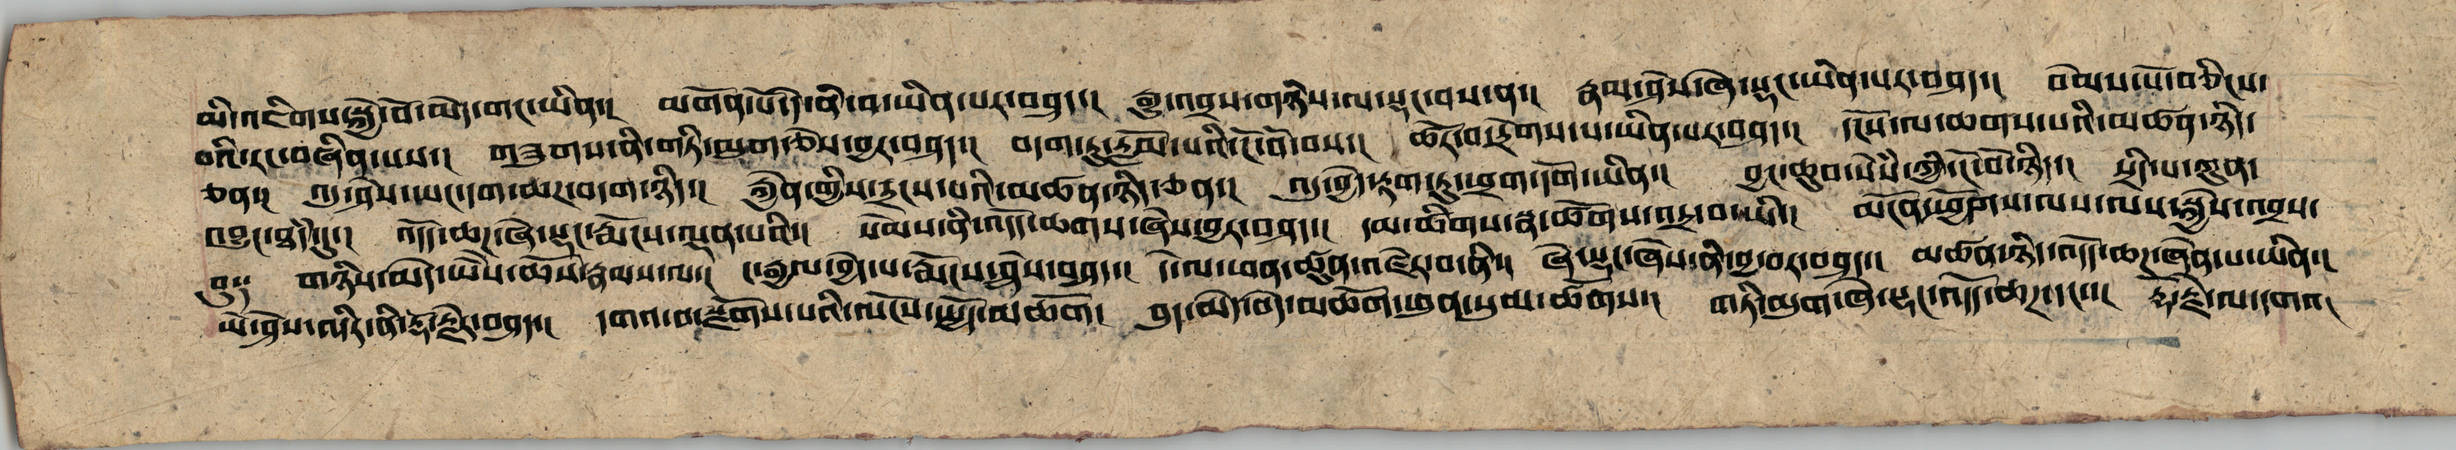མི་འཇིགས་སྐྱེ་བོ་མེད་གང་ཡིན་། མགོན་པོ་དེ་ནི་བ་ཡིན་པར་བཤད་། རྒྱུ་འབྲས་གཉིས་ལ་སྡང་བས་ན་། རྣམ་ཤེས་ཞེ་སྡང་ཡིན་པར་བཤད་། བེམས་པོ་བཅིངས་
བའི་རང་བཞིན་པས་། གཟུགས་ནི་གཏི་མུག་ཅེས་བྱར་བཤད་། བདག་ཏུ་རློམ་པའི་ངོ་བོ་བས་། ཚོར་བ་དྲོགས་པ་ཡིན་པར་བཤད་། དངོས་ལ་ཆགས་པའི་མཚན་ཉིད་
ཅན་། འདུ་ཤེས་ཡང་དག་ཆཌ་བདག་ཉིད་། རྐྱེན་གྱིས་དྲངས་པའི་མཚན་ཉིད་ཅན་། འདུ་བྱེད་རྟག་ཏུ་ཕྲག་དོག་ཡིན་། བྱང་ཆུབ་སེསཾ་ཀྱི་ངོ་བོ་ཉིད་། སྲིད་པ་ཀུན་
འབྱུང་ཐཾད་དུ་། འདོད་ཆཌ་ཞེ་སྡང་རྨོངས་ལྡན་པའི་། སེམས་ནི་འདོད་ཆགས་ཞེས་བྱར་བཤད་། དམ་ཚིགས་སྣ་ཚོགས་འདྲ་བ་ཡི་། མངོན་ཕྱོགས་ལས་ལས་སྐྱེས་འབྲས་
བུ༑ གཉིས་མེད་ཡཻས་ཆོས་རྣམས་ལ་། ང་རྒྱལ་བྱེད་པ་རྨོངས་ཤེས་བཤད་། དེ་ལ་ཕན་ཚུན་འཛེར་བ་ནི་། ཞེ་སྡང་ཞེས་ནི་བྱ་བར་བཤད་། མཚན་ཉིད་འདོད་ཆཌ་ཞེན་པ་ཡིན་།
ཡེ་ཤེས་འདིར་ནི་རྡོ་རྗེར་བཤད་། དགའ་བ་སྫོགས་པའི་ལོངས་སྤྱོད་མཆོག། བུད་མེད་བདེ་མཆོག་ཕུན་སུམ་ཚོགས་། གཏི་མུག་ཞེ་སྡང་འདོད་ཆཌ་དང་་། རྡོ་རྗེ་ལ་དགའ་